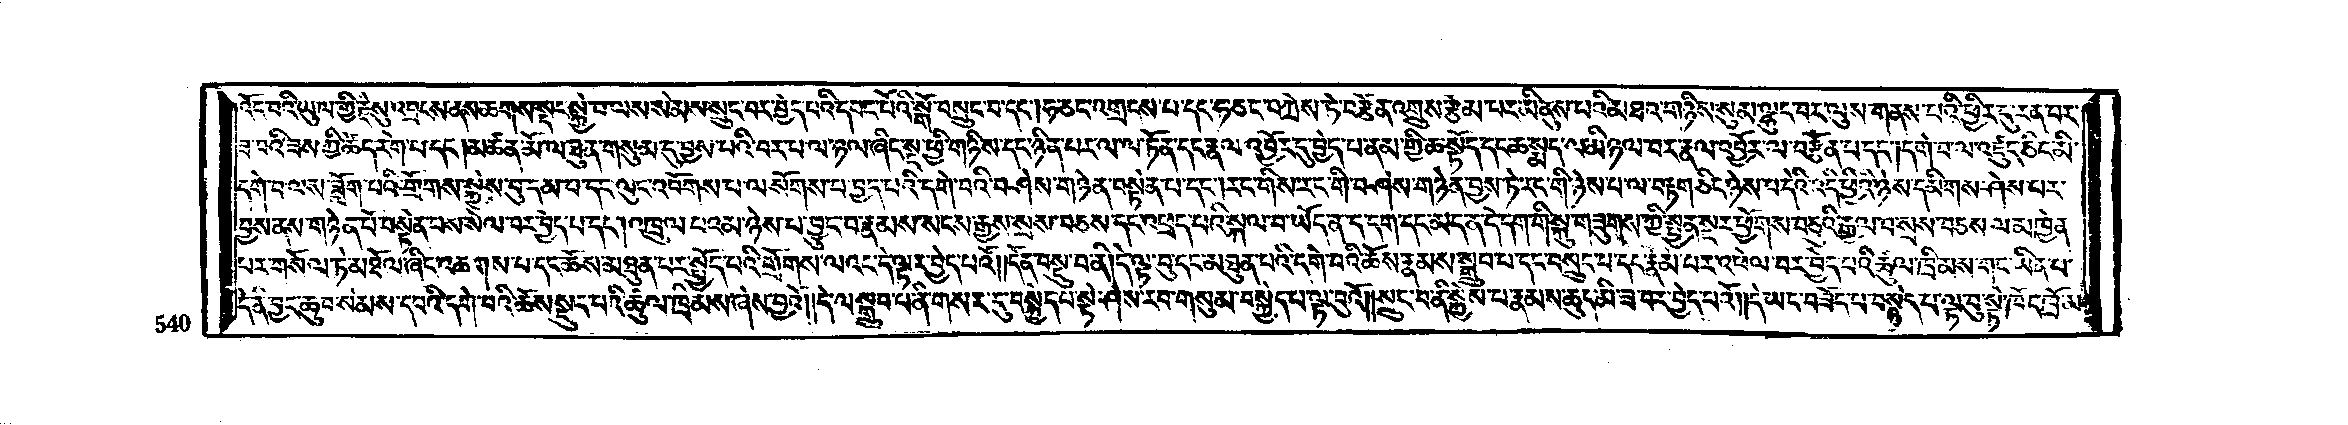འོང་བའི་ཡུལ་གྱི་རྗེས་སུ་འབྲངས་ནས་ཆགས་སྡང་སྐྱེ་བ་ལས་སེམས་སྲུང་བར་བྱེད་པའི་དབང་པོའི་སྒོ་བསྲུང་བ་དང་། ཧ་ཅང་འགྲངས་པ་དང་ཧ་ཅང་བཀྲེས་ཏེ་བརྩོན་འགྲུས་རྩོམ་པར་མི་ནུས་པའི་མཐའ་གཉིས་སུ་མ་ལྷུང་བར་ལུས་གནས་པའི་ཕྱིར་དུ་རན་པར་
ཟ་བའི་ཟས་ཀྱི་ཚེད་རེག་པ་དང་། མཚན་མོ་ལ་ཐུན་གསུམ་དུ་བྱས་པའི་བར་པ་ལ་ཉལ་ཞིང་སྔ་ཕྱི་གཉིས་དང་ཉིན་པར་ལ་ལ་ཏོན་དང་རྣལ་འབྱོར་དུ་བྱེད་པ་ནམ་གྱི་ཆ་སྟོད་དང་ཆ་སྨད་ལ་མི་ཉལ་བར་རྣལ་འབྱོར་ལ་བརྩོན་པ་དང་། དགེ་བ་ལ་འཛུད་ཅིང་མི་
དགེ་བ་ལས་ཟློག་པའི་གྲོགས་སྐྱེས་བུ་དམ་པ་དང་ལུང་འབོགས་པ་ལ་སོགས་པ་བྱད་པའི་དགེ་བའི་བཤེས་གཉེན་བསྟེན་པ་དང་། རང་གིས་རང་གི་བཤེས་གཉེན་བྱས་ཏེ་རང་གི་ཉེས་པ་ལ་བརྟག་ཅིང་ཉེས་པ་དེའི་འདི་ཕྱིའི་ཉེས་དམིགས་ཤེས་པར་
བྱས་ནས་གཉེན་པོ་བསྟེན་པས་སེལ་བར་བྱེད་པ་དང་། འཁྲུལ་པའམ་ཉེས་པ་བྱུང་བ་རྣམས་སངས་རྒྱས་སྲས་བཅས་དང་འཕྲད་པའི་སྐལ་བ་ཡོད་ན་ད་དག་དང་མད་ན་དེ་དག་གི་སྐུ་གཟུགས་ཀྱི་སྤྱན་སྔར་ཕྱོགས་བཅུའི་རྒྱལ་བ་སྲས་བཅས་ལ་མཁྱེན་
པར་གསོལ་ཏེ་མཐོལ་ཞིང་འཆགས་པ་དང་ཆོས་མཐུན་པར་སྤྱོད་པའི་གྲོགས་ལའང་དེ་ལྟར་བྱེད་པའོ། །དོན་བསྡུ་བ་ནི། དེ་ལྟ་བུ་དང་མཐུན་པའི་དགེ་བའི་ཆོས་རྣམས་སྒྲུབ་པ་དང་བསྲུང་པ་དང་རྣམ་པར་འཕེལ་བར་བྱེད་པའི་ཚུལ་ཁྲིམས་གང་ཡིན་པ་
དེ་ནི་བྱང་ཆུབ་སེམས་དཔའི་དགེ་བའི་ཆོས་སྡུང་པའི་ཚུལ་ཁྲིམས་ཞེས་བྱའོ། །དེ་ལ་སྒྲུབ་པ་ནི་གསར་དུ་བསྐྱེད་པ་སྟེ་ཤེས་རབ་གསུམ་བསྐྱེད་པ་ལྟ་བུའོ། །སྲུང་བ་ནི་སྐྱེས་པ་རྣམས་ཆུད་མི་ཟ་བར་བྱེད་པའོ། །དེ་ཡང་བཟོད་པ་བསྙེད་པ་ལྟ་བུ་སྟེ་ཁོང་ཁྲོ་མ་